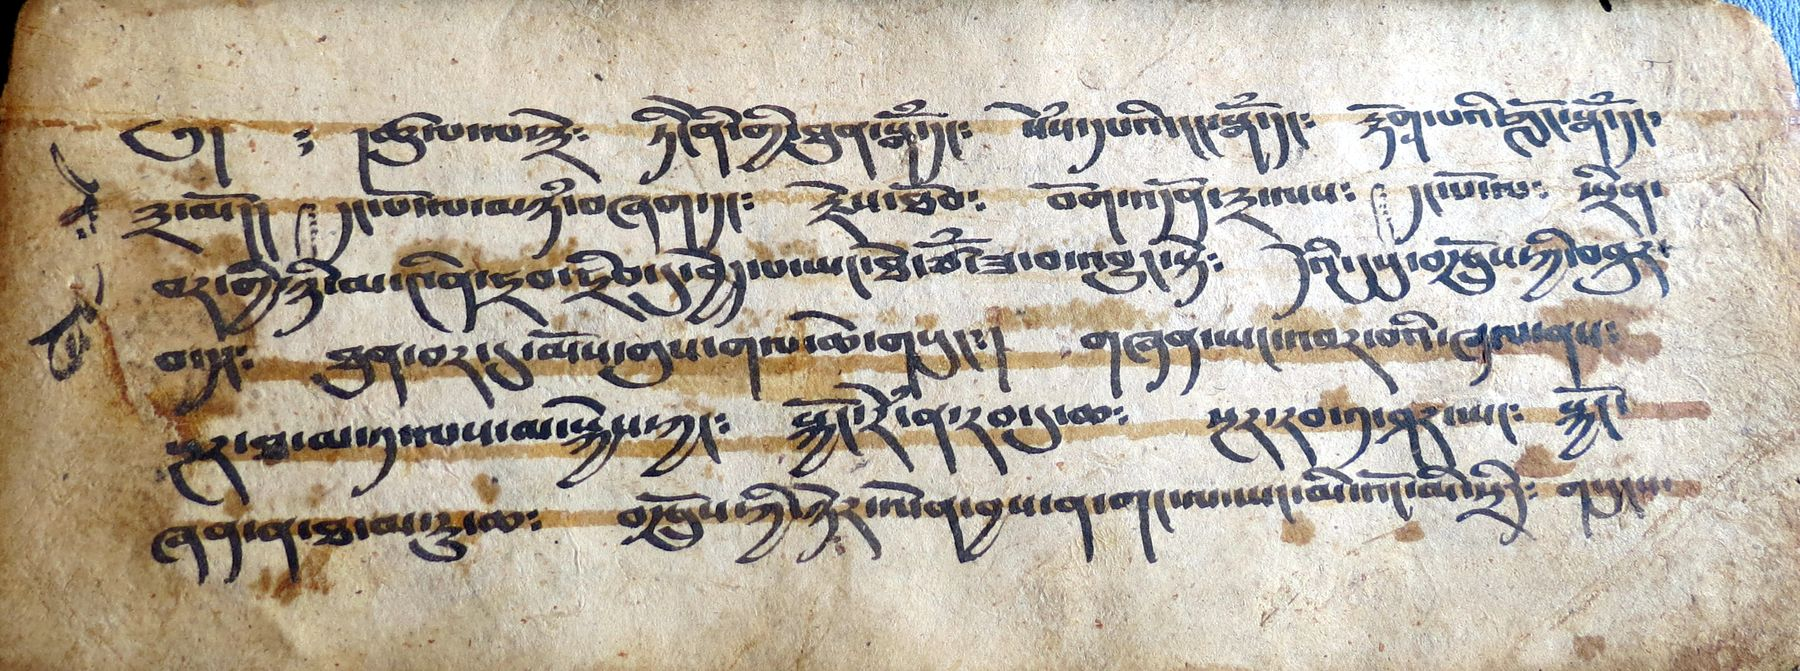ཚུལ་ལ་གསུམ་སྟེ། ཏིང་ངེ་འཛིན་གྱི་ཐུན་སྒོམ་དང་། སེམས་དཔའི་ངང་སྒོམ་དང་། རྟོགས་པའི་ཀློང་སྒོམ་མོ་དང་། 
སྐྲ་མོ། དང་པོ་མཉམ་གཞག རྗེས་ཐོབ། བོགས་འདོན་གསུམ་ལས། དང་པོ་ལ། སྤྲིན་
བར་གྱི་ཉི་མ་བཞིན་ཧྲབ་ཧྲིབ་ཏུ་བྱེད་པ་དང་ཡ་ང་བ་ཐེ་ཚོམ་ཟ་བ་འབྱུང་སྟེ། དེའི་དུས་སུ་བརྩོན་འགྲུས་ཀྱིས་བཤུར་
བ་དང་ཐུན་བར་གྱི་མོས་གུས་ཀྱི་གལ་ཆེ་གསུངས། གཞན་ཡང་འབར་བའི་ཞལ་ནས་
སྔར་ཐ་མ་ཞིག་ལས་མ་སྐྱེས་ཀྱང་། སྐྱོང་རིམ་ན་རབ་ཏུ་འགྲོ། སྔར་རབ་ཅིག་ཤར་ཡང་། སྐྱོང་
ཞན་ན་ཐ་མལ་ཆ། བརྩོན་འགྲུས་ཀྱི་ཉེར་ལེན་བྱས་ན་གང་ལ་ཡང་མི་འོང་མི་སྲིད་གསུངས་